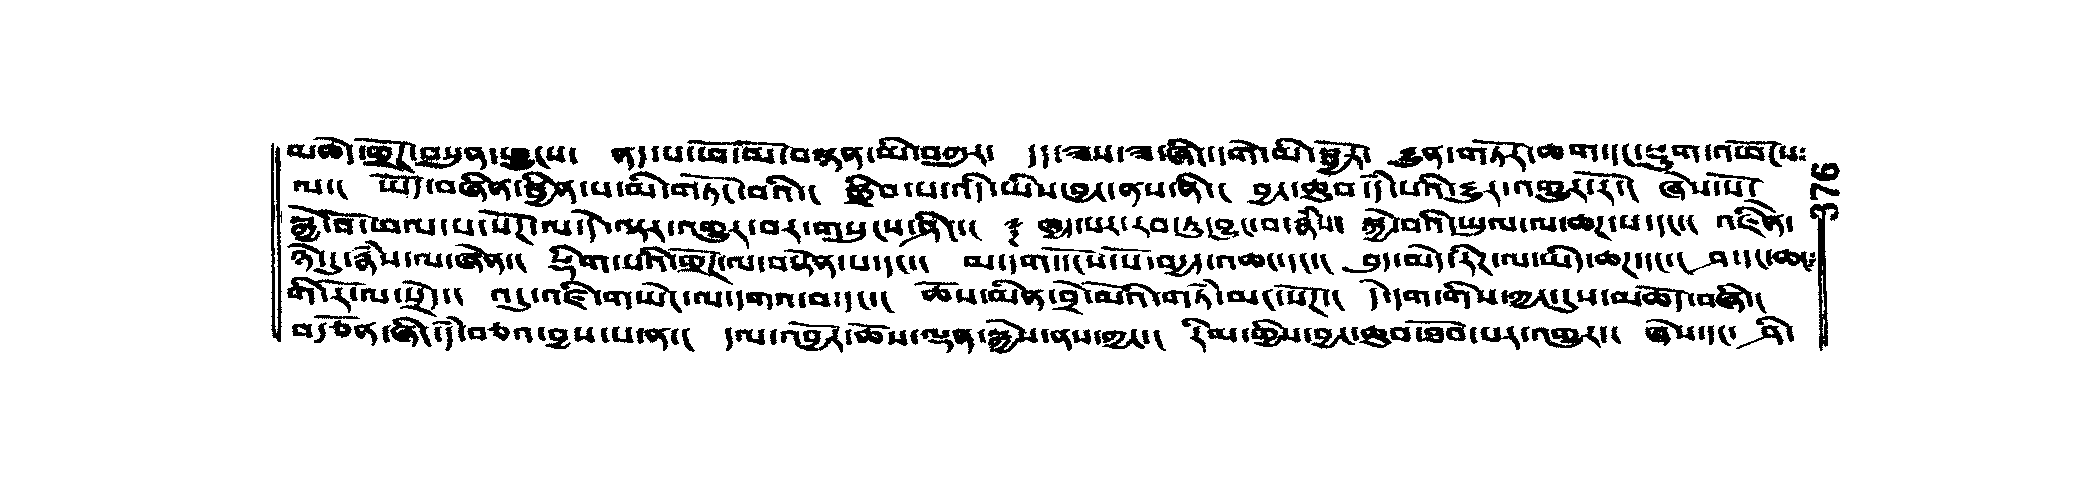མཆེད་གྲོགས་སུན་ཕྱུངས། །ནད་པ་ཕོ་མོ་བསྙན་མི་བཀུར། །དད་ཟས་ཟ་ཞིང་དགེ་མི་སྦྱོར། །རྒྱུན་གཏོར་ཆག་དང་སྡུག་འཕོངས་
ལ། །ཡོད་བཞིན་སྦྱིན་པ་མི་གཏོང་བའི། །སྒྲིབ་པ་འདི་ཡིས་བྱང་ནས་ནི། །བྱང་ཆུབ་དམ་པའི་རྒྱུར་འགྱུར་རོ། ཞེས་སོ། 
སྐྱེ་བོ་ཕལ་པ་སོགས་ལ་དེ་ལྟར་འགྱུར་བར་གསུངས་ཤིང་། ཁྱད་པར་རབ་ཏུ་བྱུང་བ་རྣམས། །སྐྱེ་བའི་ཡུལ་ལ་ཆགས་པ་དང་། །འཇིག་རྟེན་
ཉེ་དུ་རྣམས་ལ་ཞེན། །སྡིག་པའི་གྲོགས་ལ་བསྟེན་པ་དང་། །མ་དག་དངོས་པོ་བརྒྱད་འཆང་དང་། །བུད་མེད་རིགས་ལ་ཡིད་ཆགས་དང་། །ཤ་དང་ཆང་
གི་རོ་ལ་སྲེད། །འདུ་འཛིན་གཡེང་ལ་དགའ་བ་དང་། །ཆོས་མིན་བྲེ་མོའི་གཏམ་མང་སོགས། །དེ་དག་གིས་ཀྱང་དུས་མཆོད་བཞི། །
བརྩོན་ཞིང་དམ་བཅའ་བྱས་པ་ན། །དལ་འབྱོར་ཆོས་ལྡན་སྐྱེས་ནས་ཀྱང་། །རིམ་གྱིས་བྱང་ཆུབ་ཐོབ་པར་འགྱུར།ཞེས་དང་། ཤི་